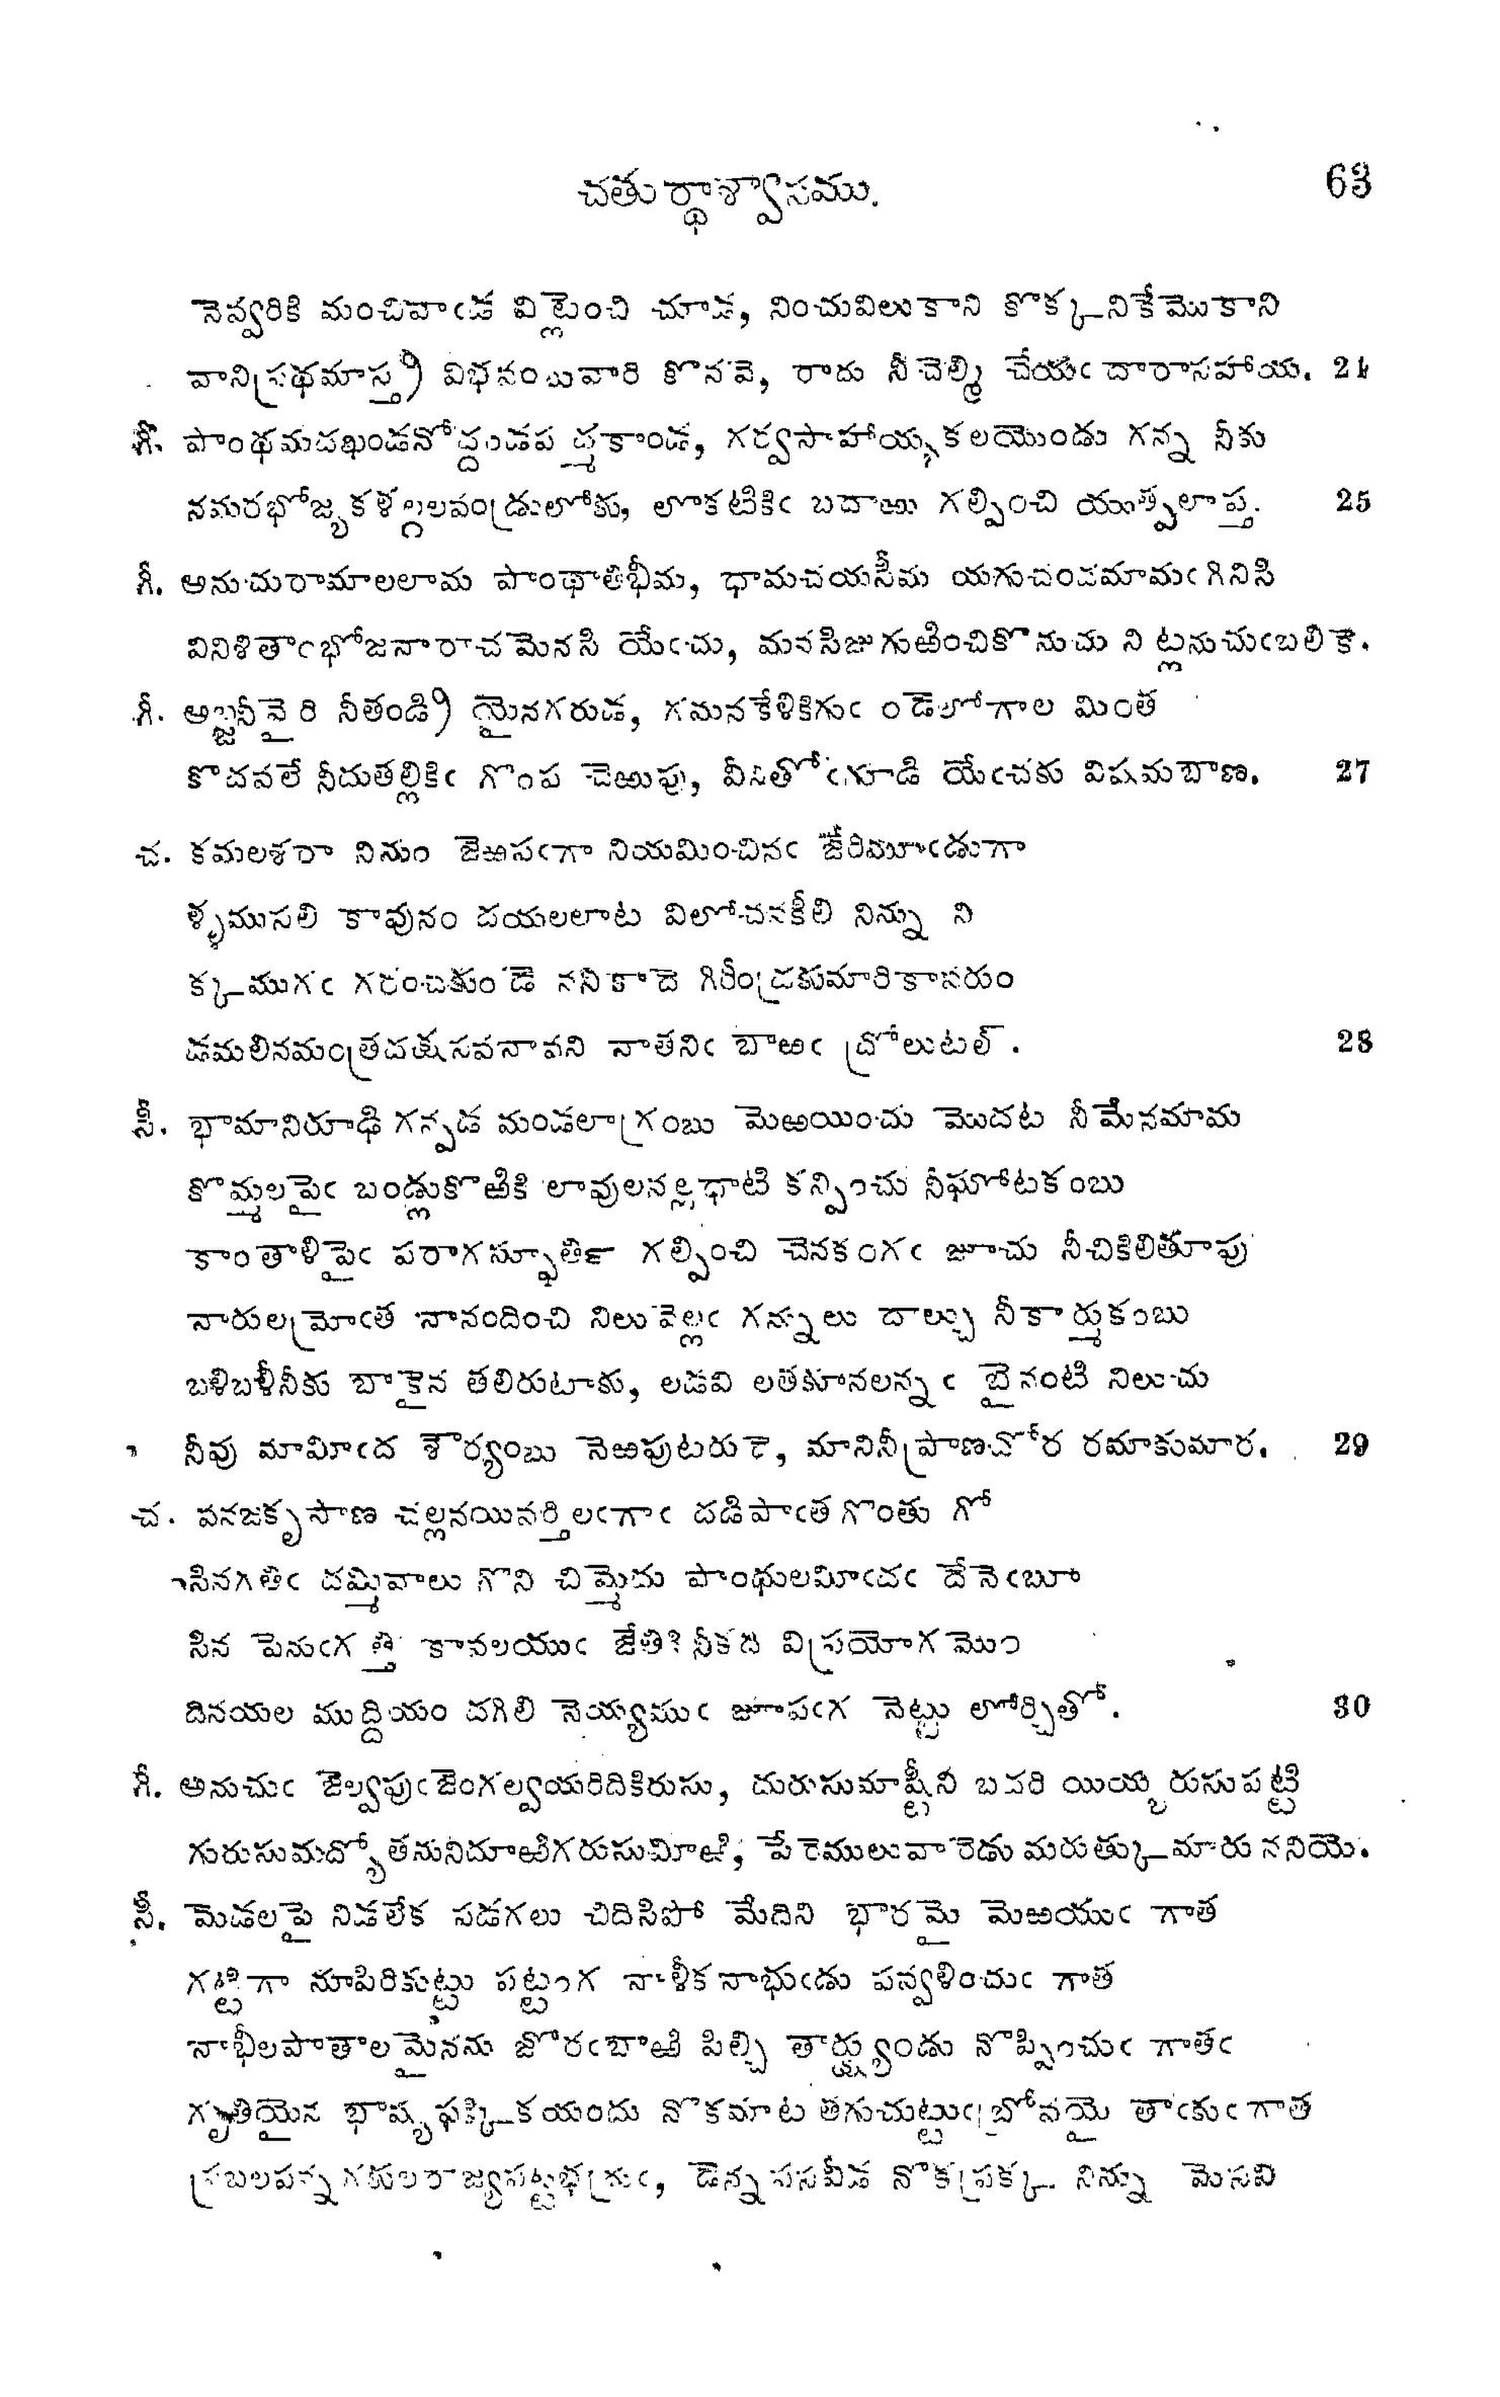నెవ్వరికి మంచివాఁడ విట్లెంచి చూడ, నించువిలుకాని కొక్కనికేమొకాని
వాని ప్రథమాస్త్రవిభవంబు వారి కొనవె, రాదు నీచెల్మి చేయఁ దారాసహాయ.
గీ. పాంథమదఖండనోద్దండపద్మకాండ, గర్వసాహాయ్య కలయొండు గన్న నీకు
నమరభోజ్యకళ ల్గలవండ్రు లోకు, లొకటికిఁ బదాఱు గల్పించి యుత్పలాప్త.
గీ. అనుచు రామాలలామ పాంథాతిభీమ, ధామచయసీమ యగుచందమామఁ గినిసి
వినిశితాంభోజనారాచ మెనసి యేఁచు, మనసిజు గుఱించికొనుచు నిట్లనుచుఁ బలికె.
గీ. అబ్జ నీవైరి నీతండ్రి యైనగరుడ, గమనకేళికి గుండెలో గాల మింత
కొదవలే నీదుతల్లికిఁ గొంప చెఱుపు, వీనితోఁ గూడి యేఁచకు విషమబాణ.
చ. కమలశరా నినుం జఱపఁగా నియమించినఁ జేరిమూఁడుగా
ళ్ళముసలి కావునం దయలలాట విలోచనకీలి నిన్ను ని
క్కముగఁ గరంచకుండె నని కాదె గిరీంద్రకుమారి కావరుం
డమలినమంత్రదక్షసవనావని నాతనిఁ బాఱఁ ద్రోలుటల్.
సీ, భామానిరూఢి గన్పడ మండలాగ్రంబు మెఱయించు మొదట నీమేనమామ
కొమ్మలపైఁ బండ్లు కొఱికి లావుల నల్లధాటి కన్పించు నీఘోటకంబు
కాంతాళి పైఁ పరాగస్ఫూర్తి గల్పించి చెనకంగఁ జూచు నీచికిలితూపు
నారులమ్రోఁత నానందించి నిలువెల్లఁ గన్నులు దాల్చు నీకార్ముకంబు
బళిబళీ నీకు బాకైన తలిరుటాకు, లడవి లతకూనలన్నఁ బైనంటి నిలుచు
నీవు మామీఁద శౌర్యంబు నెఱపుటరుదె, మానినీప్రాణహోర రమాకుమార.
చ. వనజకృపాణ చల్లనయి వర్తిలఁగాఁ దడిపాఁతగొంతు గో
సినగతిఁ దమ్మివాలు గొని చిమ్మెదు పొాంథులమీఁదఁ దేనెఁబూ
సిన పెనుఁగత్తి కావలయుఁ జేతికి నీ కది విప్రయోగమొం
దినయల ముద్దియం దగిలి నెయ్యముఁ జూపఁగ నెట్టు లోర్చితో.
గీ. అనుచుఁ జెల్వపుఁ జెంగల్వయరిదికిరుసు, దురుసుమాష్టీని బదరి యియ్యరుసుపట్టి
గురుసుమద్యోతనుని దూఱి గరుసు మీఱి, పేరెములు వారెడు మరుత్కుమారు ననియె.
సీ. మెడలపై నిడలేక పడగలు చిదిసిపో మేదిని భారమై మెఱయుఁ గాత
గట్టిగా నూపిరికుట్టు పట్టంగ నాళీకనాభుఁడు పవ్వళించుఁ గాత
నాభీలపాతాల మైనను జొరఁబాఱి పిల్చి తార్క్ష్యుండు నొప్పించుఁ గాత
గృతియైన భాష్యఫక్కికయందు నొకమాట తగుచుట్టుఁ బ్రోవయై తాఁకుఁ గాత
ప్రబలపన్నగకులరాజ్యపట్టభద్రుఁ, డెన్న పసవీడ నొకప్రక్క నిన్ను మెసవి